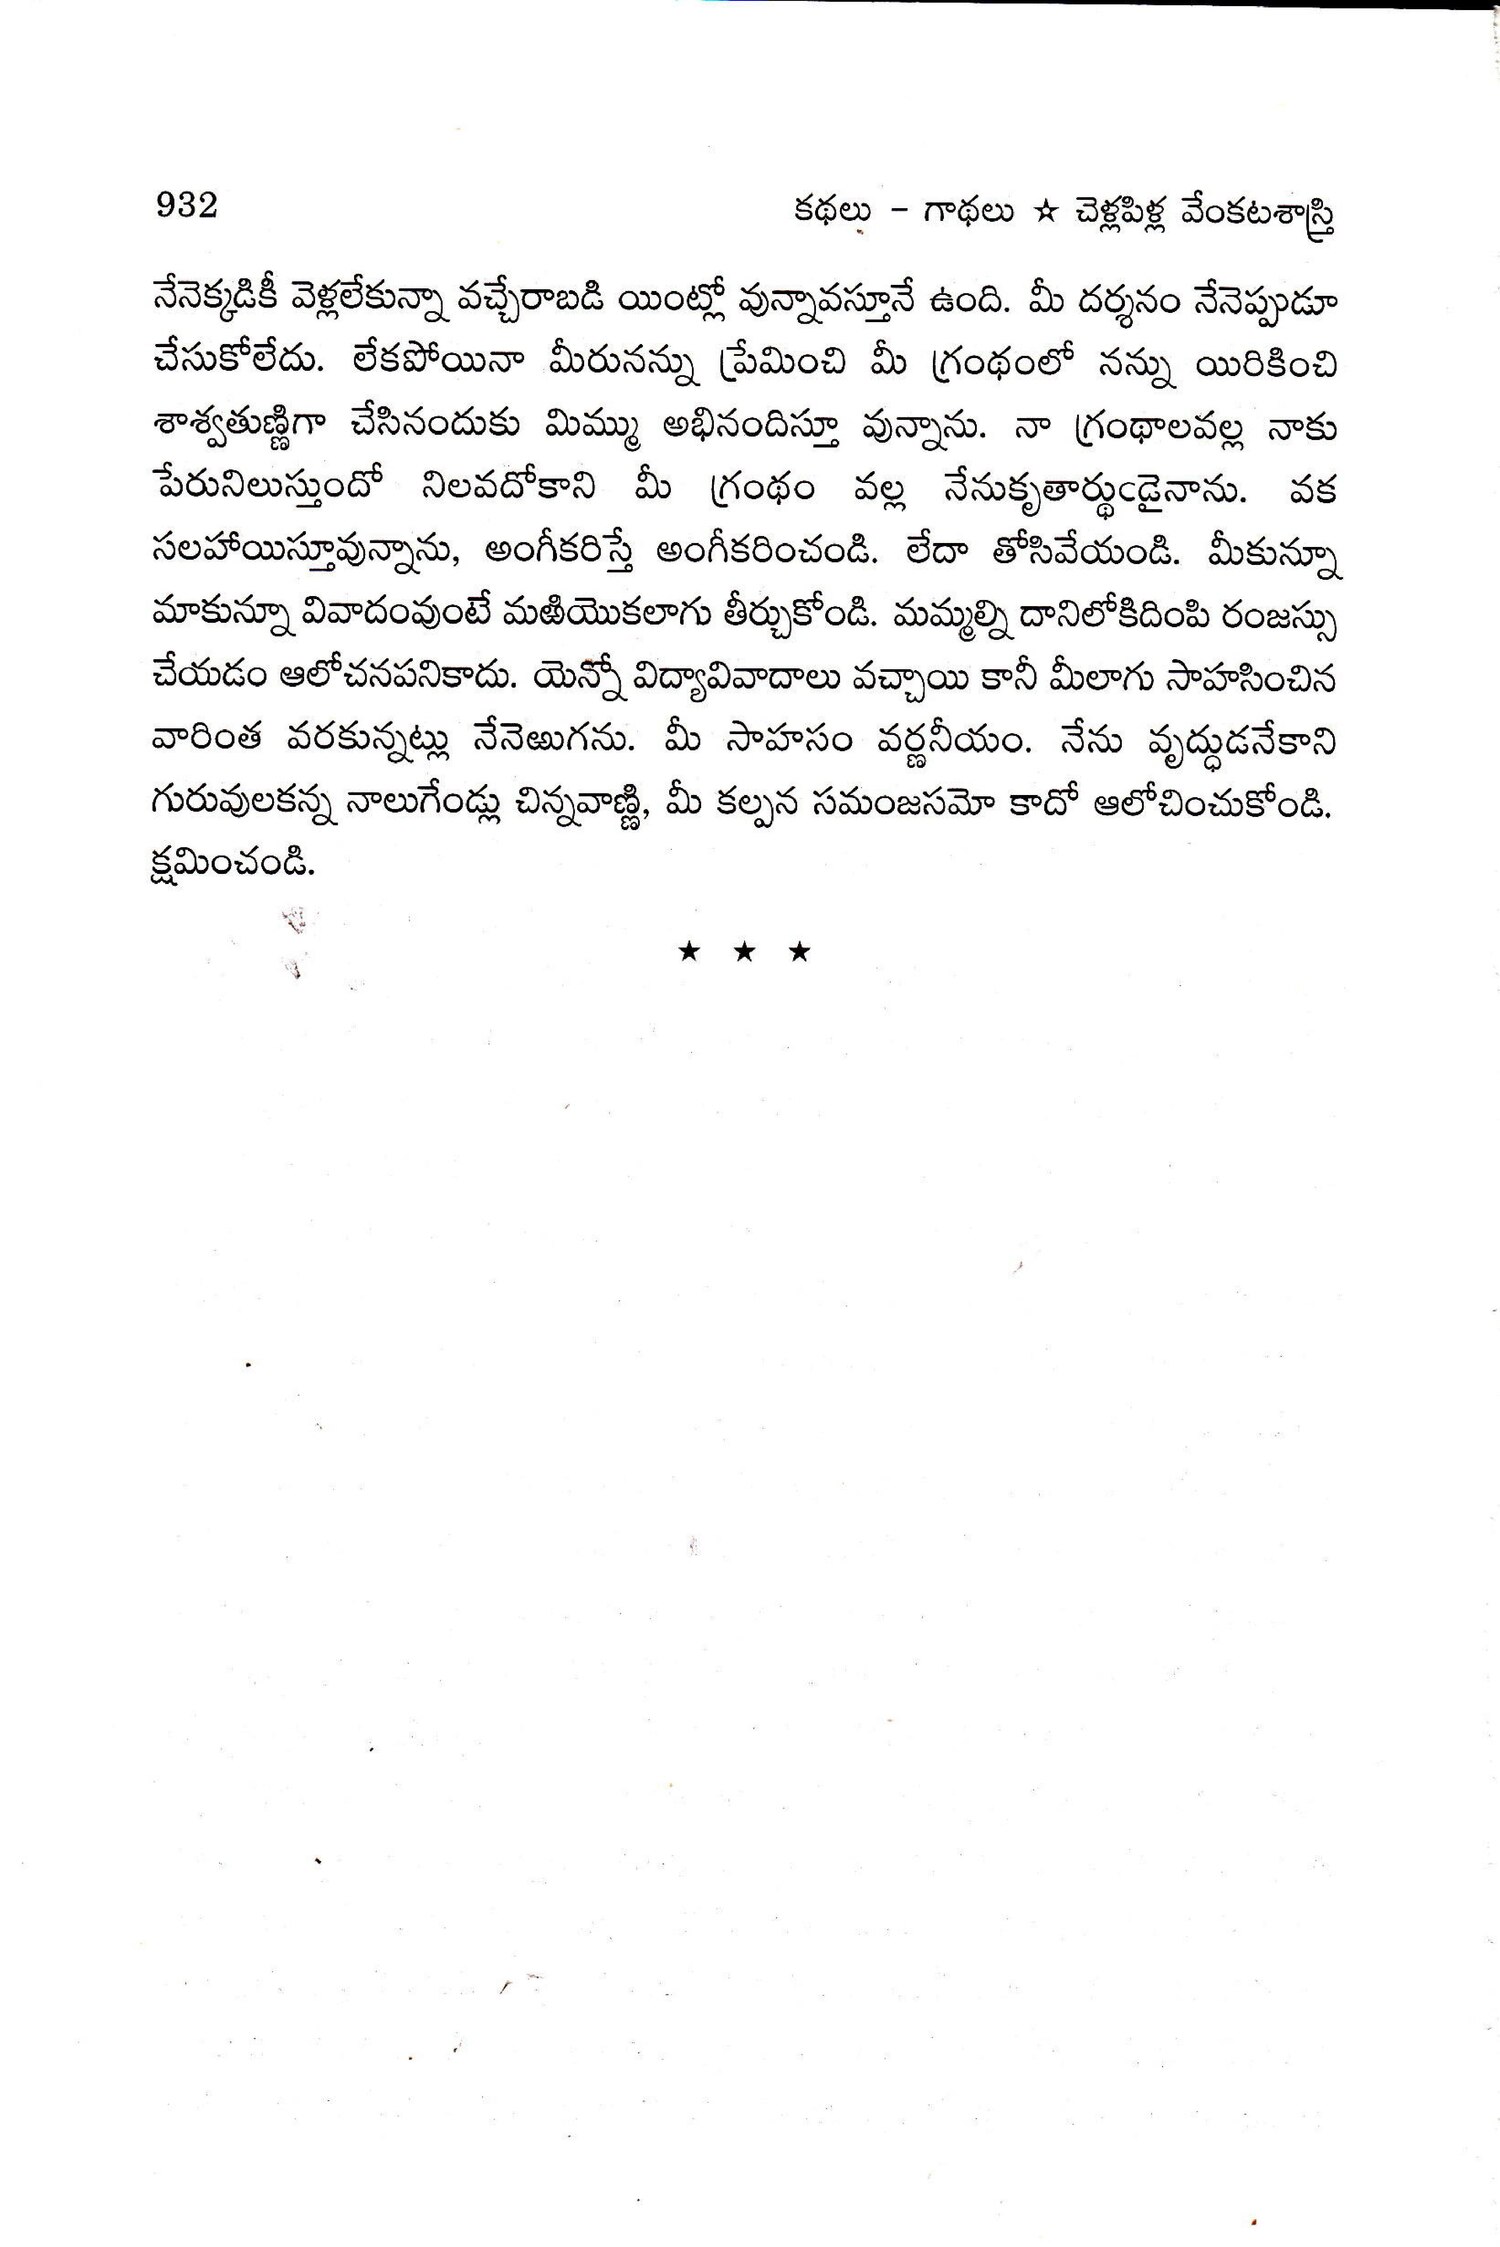నేనెక్కడికీ వెళ్లలేకున్నా వచ్చేరాబడి యింట్లో వున్నావస్తూనే ఉంది. మీ దర్శనం నేనెప్పుడూ చేసుకోలేదు. లేకపోయినా మీరునన్ను ప్రేమించి మీ గ్రంథంలో నన్ను యిరికించి శాశ్వతుణ్ణిగా చేసినందుకు మిమ్ము అభినందిస్తూ వున్నాను. నా గ్రంథాలవల్ల నాకు పేరునిలుస్తుందో నిలవదోకాని మీ గ్రంథం వల్ల నేనుకృతార్థుఁడైనాను. వక సలహాయిస్తూవున్నాను, అంగీకరిస్తే అంగీకరించండి. లేదా తోసివేయండి. మీకున్నూ మాకున్నూ వివాదంవుంటే మఱియొకలాగు తీర్చుకోండి. మమ్మల్ని దానిలోకిదింపి రంజస్సు చేయడం ఆలోచనపనికాదు. యెన్నో విద్యావివాదాలు వచ్చాయి కానీ మీలాగు సాహసించిన వారింత వరకున్నట్లు నేనెఱుగను. మీ సాహసం వర్ణనీయం. నేను వృద్ధుడనేకాని గురువులకన్న నాలుగేండ్లు చిన్నవాణ్ణి. మీ కల్పన సమంజసమో కాదో ఆలోచించుకోండి. క్షమించండి.